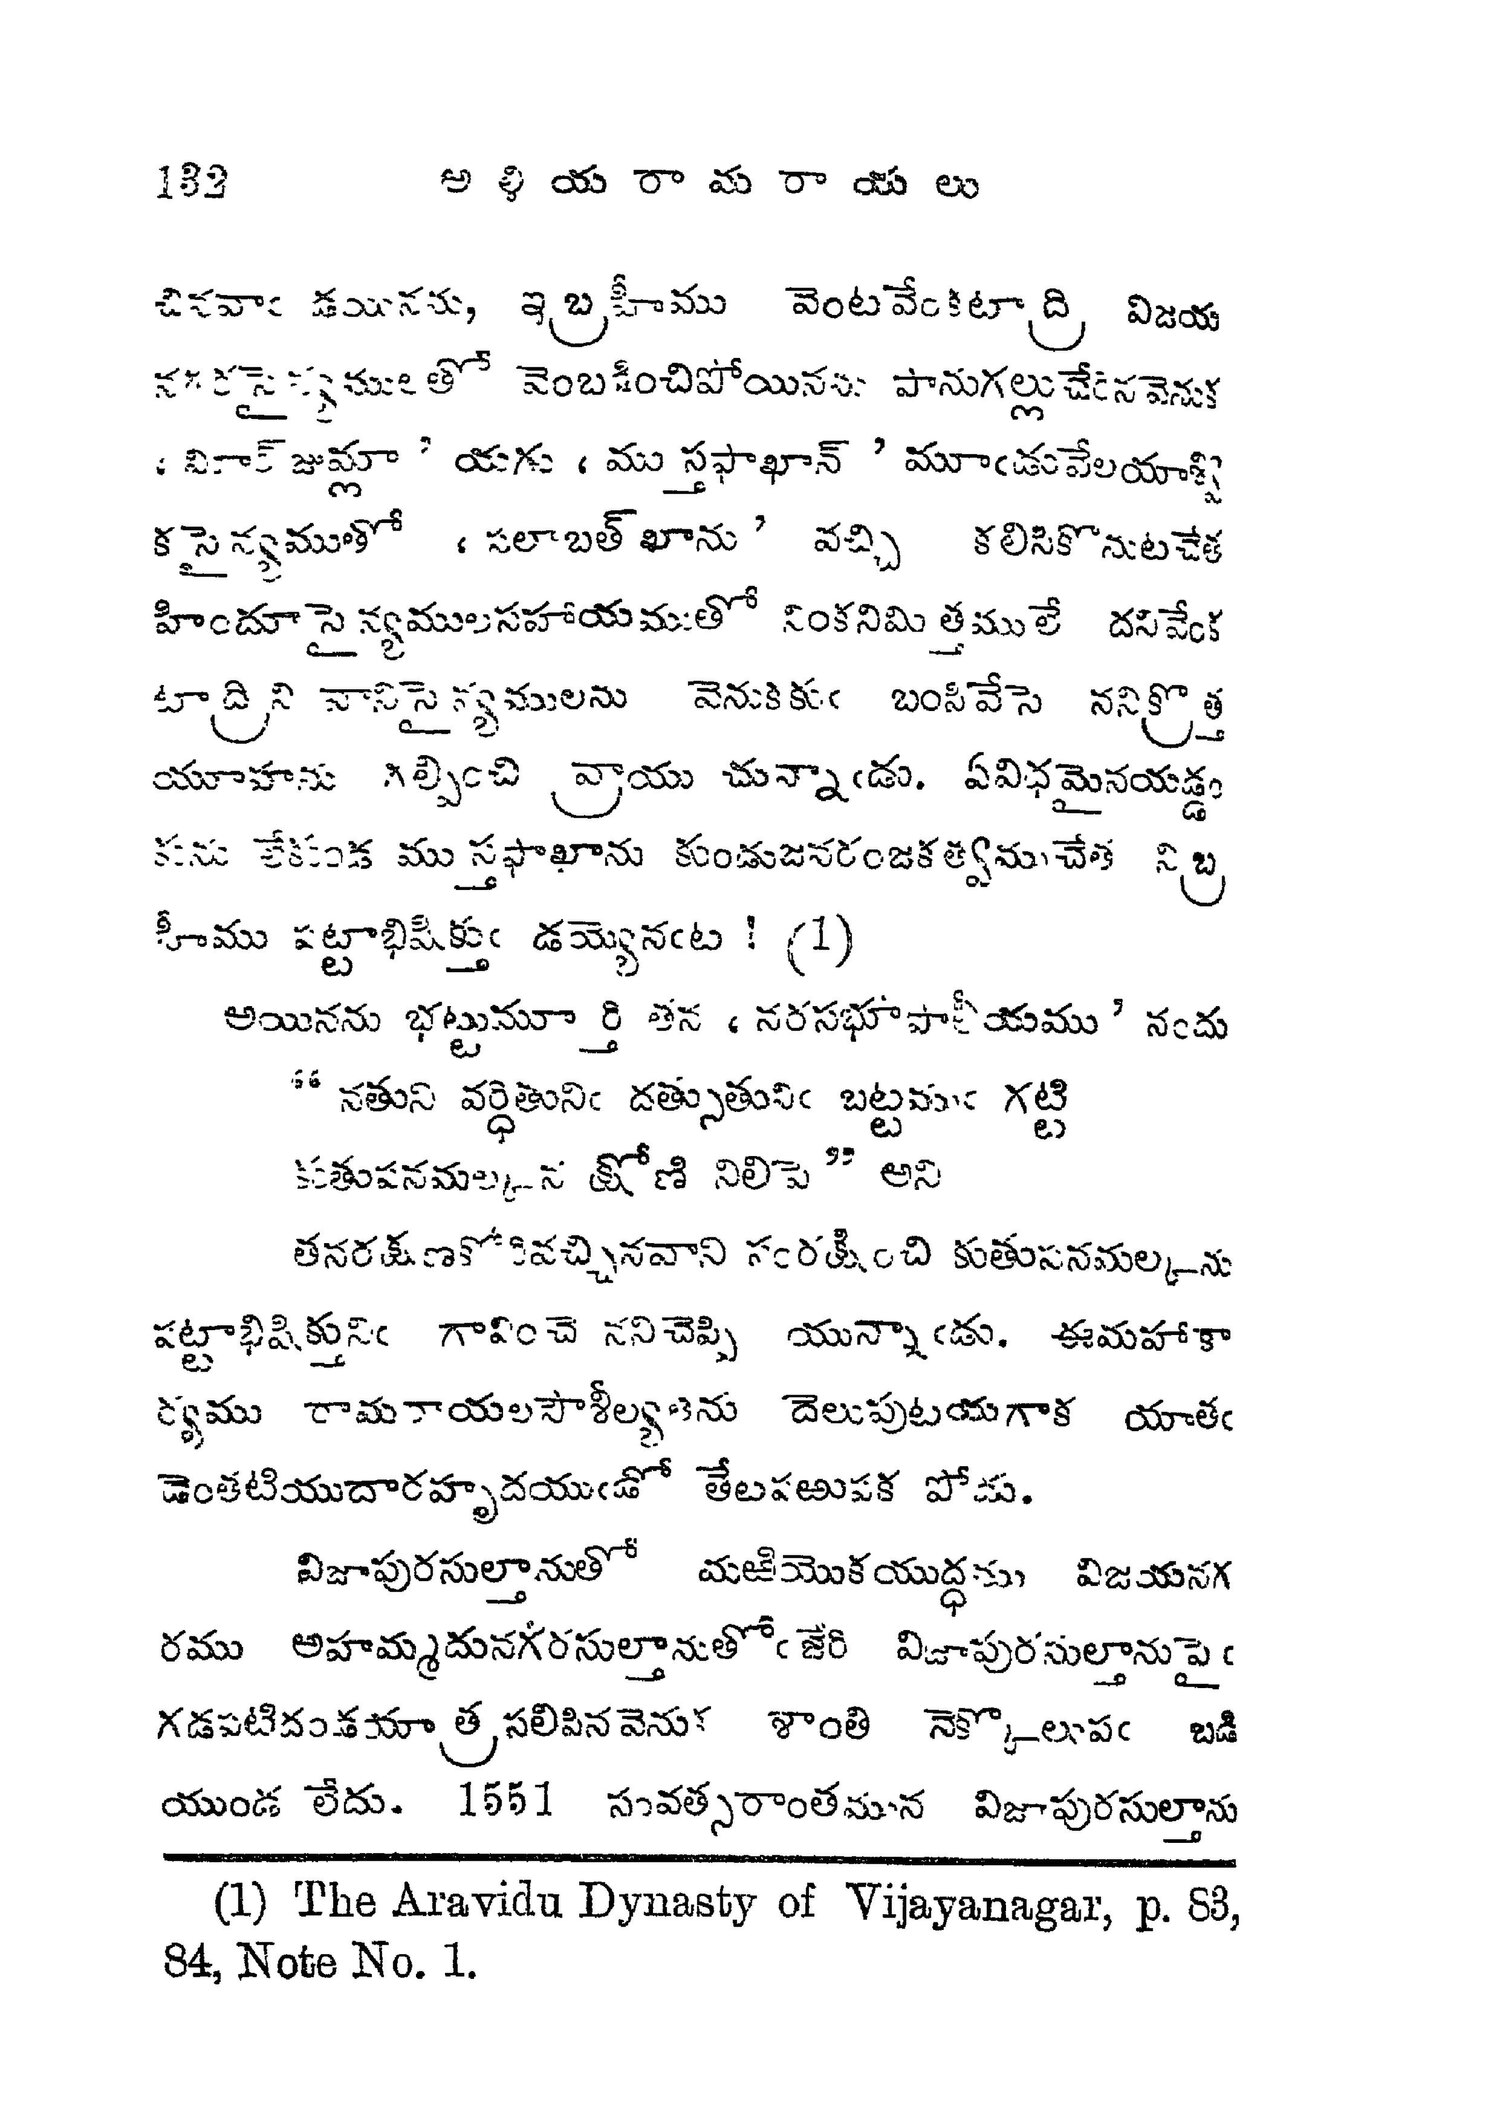చినవా డయినను, ఇబ్రహీము వెంటవేంకటాద్రి విజయనగరసైన్యములతో వెంబడించిపోయినను పానుగల్లుచేరినవెనుక 'మీర్‌జుమ్లా' యగు 'ముస్తఫాఖాన్‌' మూడువేల యాశ్వికసైన్యముతో 'సలాబత్‌ఖాను' వచ్చి కలిసికొనుటచేత హిందూసైన్యములసహాయముతో నింకనిమిత్తములే దనివేంకటాద్రిని వానిసైన్యములను వెనుకకు బంపివేసె ననిక్రొత్త యూహను గల్పించి వ్రాయుచున్నాడు. ఏవిధమైనయడ్డంకును లేకుండ ముస్తఫాఖాను కుండుజనరంజకత్వముచేత నిబ్రహీము పట్టాభిషిక్తు డయ్యెనట! 

అయినను భట్టుమూర్తి తన 'నరసభూపాలీయము' నందు

 "నతుని వర్ధితుని దత్సుతుని బట్టముం గట్టి
 కుతుపనమల్కన క్షోణి నిలిపె" అని

తనరక్షణకోరివచ్చినవాని సంరక్షించి కుతుపనమల్కను పట్టాభిషిక్తుని గావించె ననిచెప్పి యున్నాడు. ఈమహాకార్యము రామరాయలసౌశీల్యతను దెలుపుటయెగాక యాతడెంతటియుదారహృదయుడో తేటపఱుపక పోదు.

విజాపురసుల్తానుతో మఱియొకయుద్ధము విజయనగరము అహమ్మదునగరసుల్తానుతో జేరి విజాపురసుల్తానుపై గడపటిదండయాత్రసలిపినవెనుక శాంతి నెక్కొలుప బడియుండ లేదు. 1551 సంవత్సరాంతమున విజాపురసుల్తాను